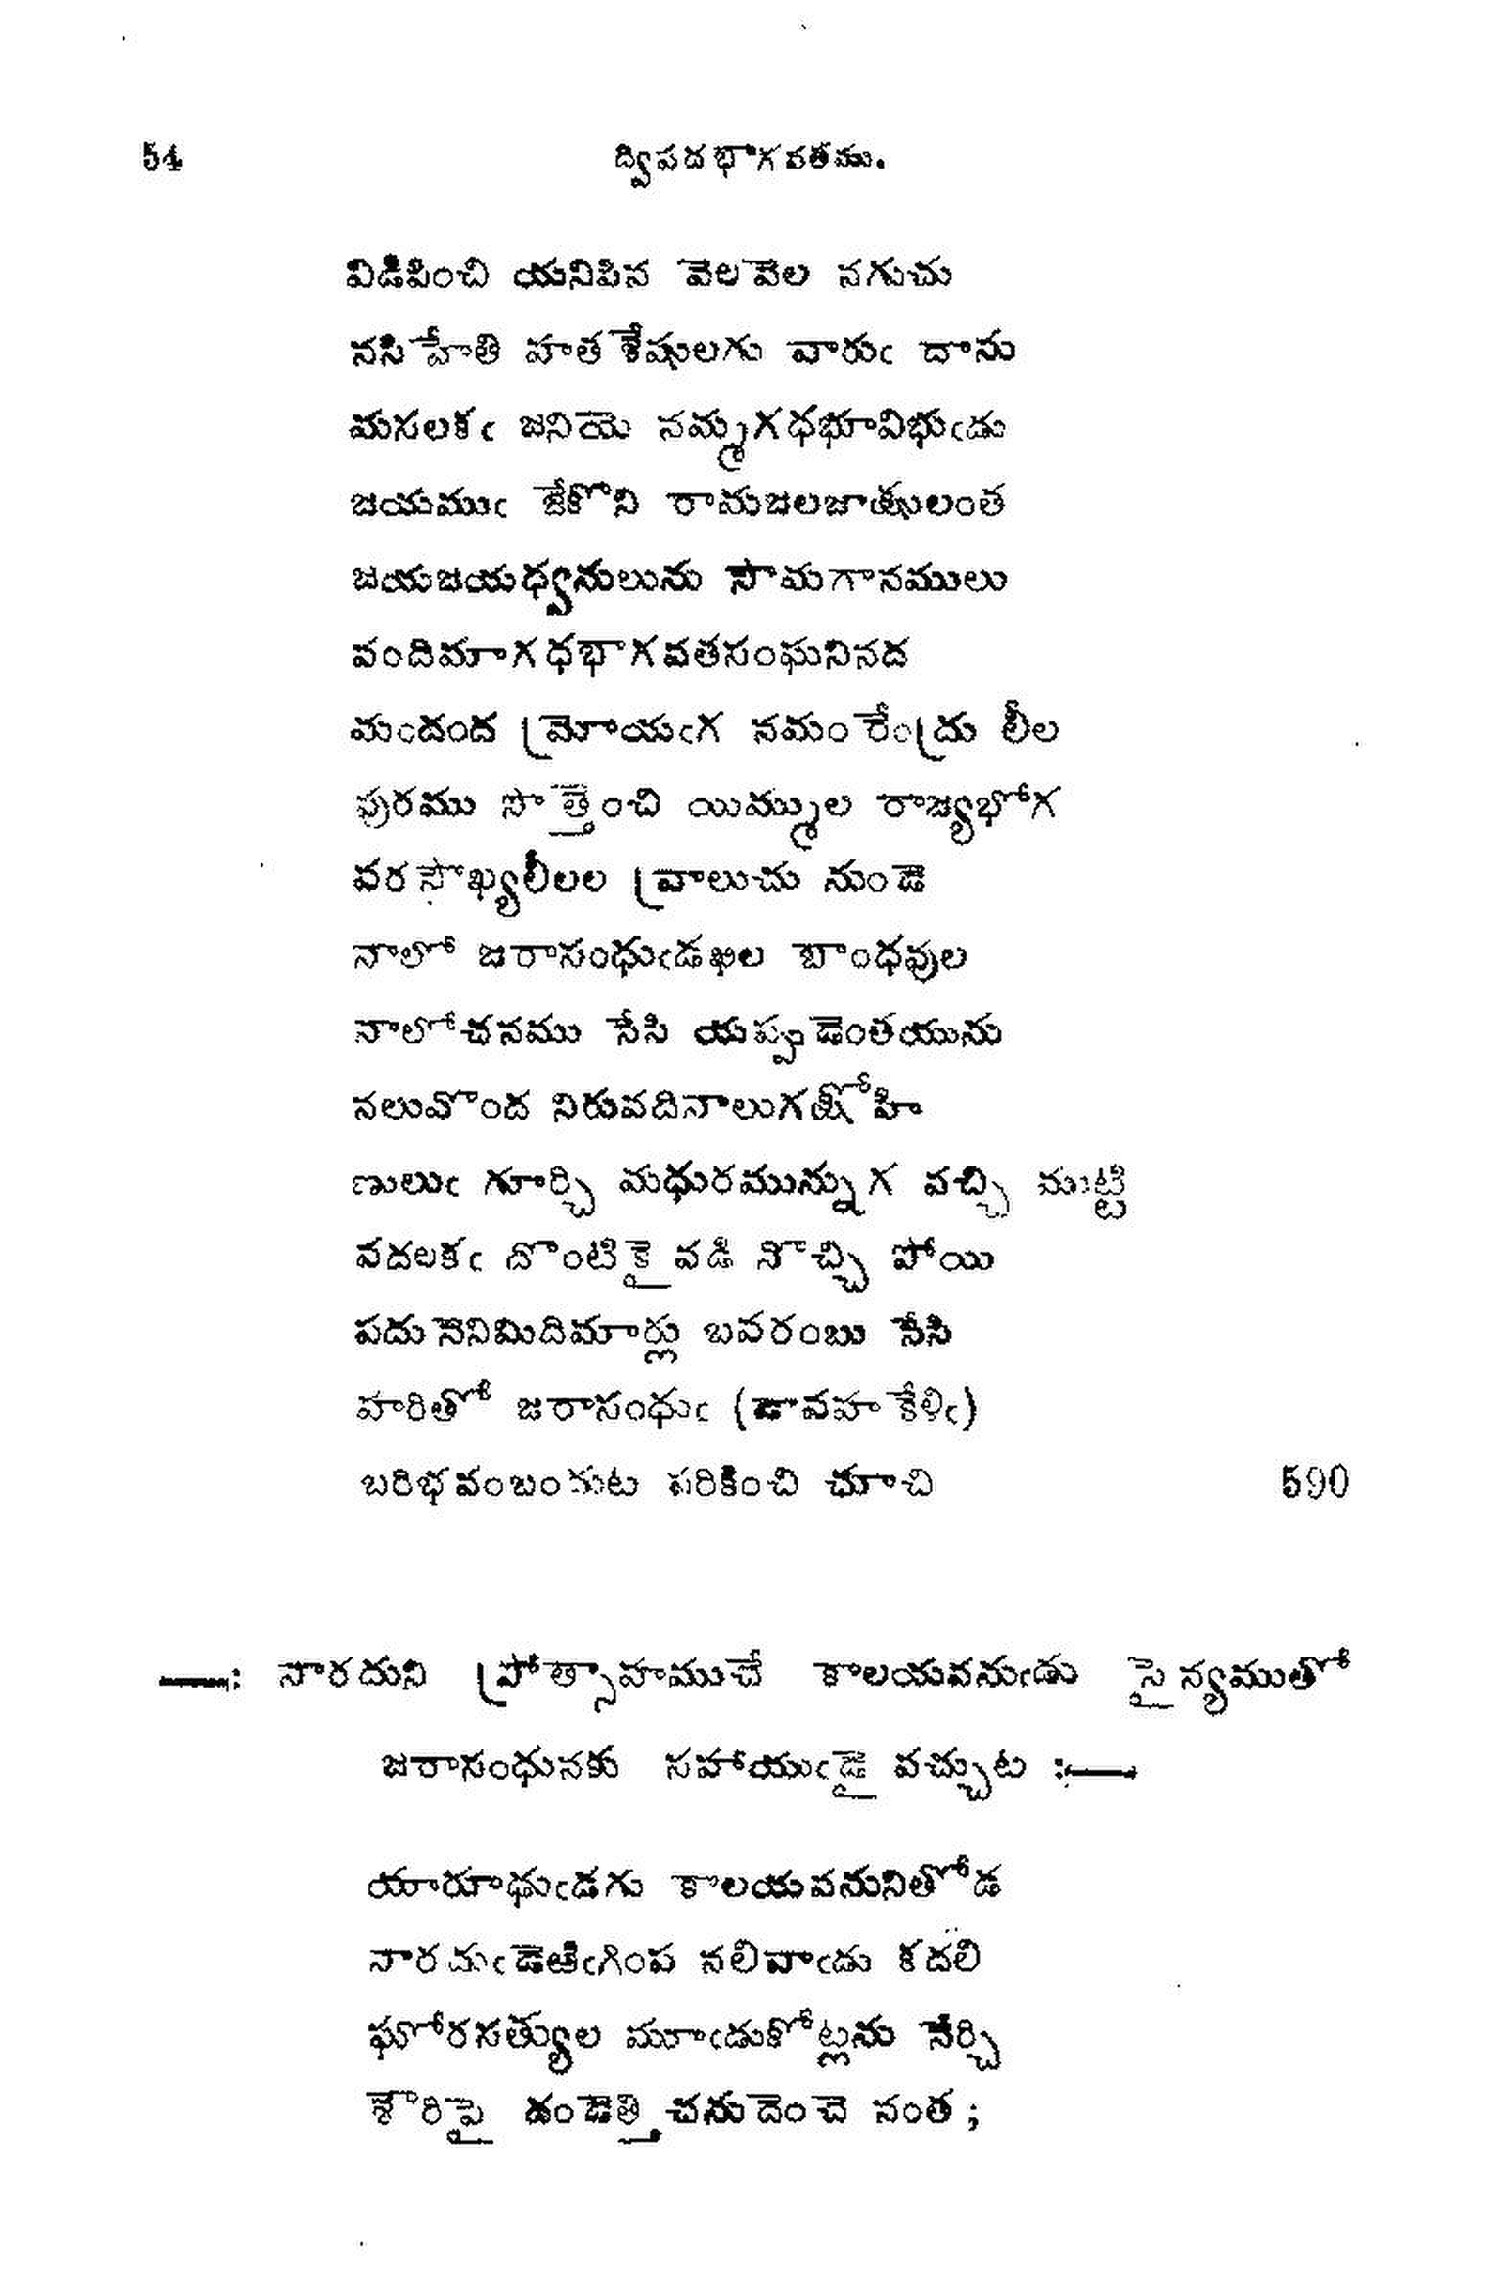విడిపించి యనిపిన వెలవెల నగుచు
నసిహేతి హతశేషులగు వారుఁ దాను
మసలకఁ జనియె నమ్మగధభూవిభుఁడు
జయముఁ జేకొని రామజలజాక్షులంత
జయజయధ్వనులును సౌమగానములు
వందిమాగధభాగవతసంఘనినద
మందంద మ్రోయఁగ నమరేంద్రు లీల
పురము సొత్తెంచి యిమ్ముల రాజ్యభోగ
వరసౌఖ్యలీలల వ్రాలుచు నుండె
నాలో జరాసంధుఁ డఖిలబాంధవుల
నాలోచనము సేసి యప్పుడెంతయును
నలువొంద నిరువదినాలుగక్షోహి
ణులుఁ గూర్చి మధుర మున్నుగ వచ్చి ముట్టి
వదలకఁ దొంటికైవడి నొచ్చి పోయి
పదునెనిమిదిమార్లు బవరంబు సేసి
హరితో జరాసంధుఁ (డాహవకేళి)
బరిభవం బందుట పరికించి చూచి

యారూఢుఁడగు కాలయవనునితోడ
నారదుఁ డెఱిఁగింప నలివాఁడు కదలి
ఘోరసత్యుల మూఁడుకోట్లను నేర్చి
శౌరిపై దండెత్తి చనుదెంచె నంత;